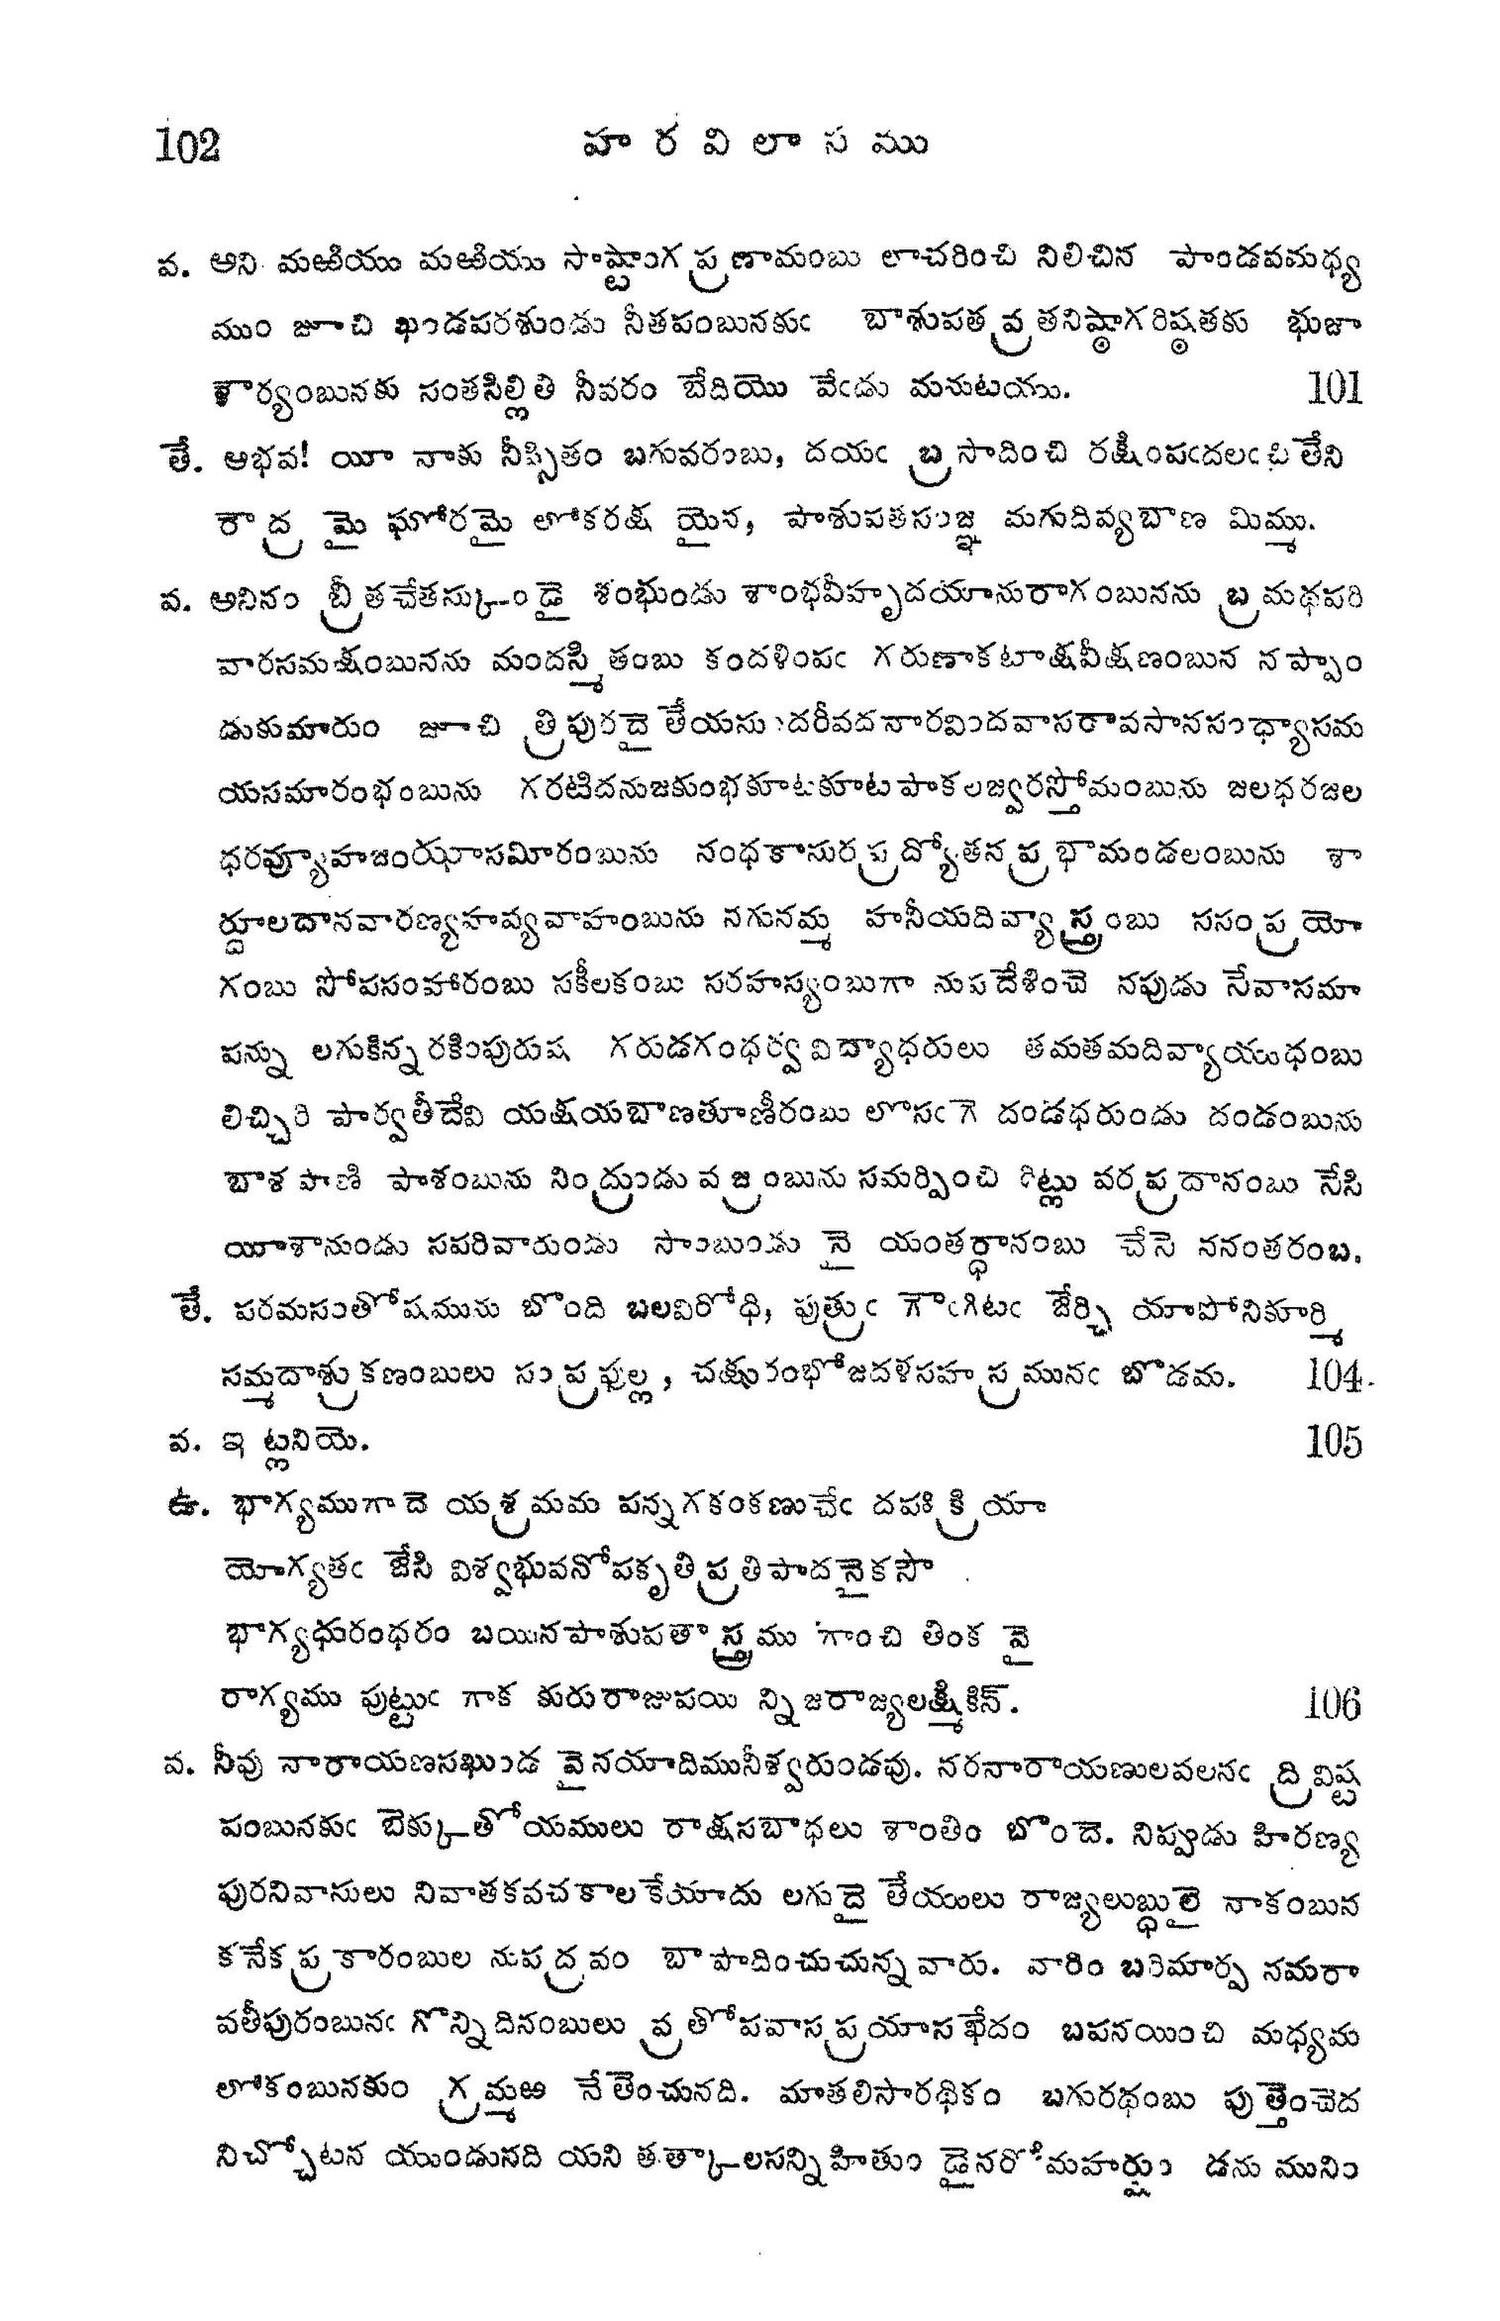వ. అని మఱియు మఱియు సాష్టాంగప్రణామంబు లాచరించి నిలిచిన పాండవమధ్యముం జూచి ఖండపరశుండు నీతపంబునకుఁ బాశుపతవ్రతనిష్ఠాగరిష్ఠతకు భుజాశౌర్యంబునకు సంతసిల్లితి నీవరం బేదియె వేఁడు మనుటయు. 101

తే. అభవ! యీ నాకు నీప్సితం బగువరంబు, దయఁ బ్రసాదించి రక్షింపఁదలఁచితేని
రౌద్రమై ఘోరమై లోకరక్ష యైన, పాశుపతసంజ్ఞ మగుదివ్యబాణ మిమ్ము. 102

వ. అనినం బ్రీతచేతస్కుండై శంభుండు శాంభవీహృదయానురాగంబునను బ్రమథపరివారసమక్షంబునను మందసితంబు కందళింపఁ గరుణాకటాక్షవీక్షణంబున నప్పాండుకుమారుం జూచి త్రిపురదైతేయసుందరీవదనారవిందవాసరావసానసంధ్యాసమయసమారంభంబును గరటిదనుజకుంభకూటకూటపాకలజ్వరస్తోమంబును జలధరజలధరవ్యూహజంఝాసమీరంబును నంధకాసురప్రద్యోతనప్రభామండలంబును శార్దూలదానవారణ్యహవ్యవాహంబును నగునమ్మహనీయదివ్యాస్త్రంబు ససంప్రయోగంబు సోపసంహారంబు సకీలకంబు సరహస్యంబుగా నుపదేశించె నపుడు సేవాసమాపన్ను లగుకిన్నరకింపురుషగరుడగంధర్వవిద్యాధరులు తమతమదివ్యాయుధంబు లిచ్చిరి పార్వతీదేవి యక్షయబాణతూణీరంబు లొసఁగె దండధరుండు దండంబును బాకపాణి పాశంబును నింద్రుడు వజ్రంబును సమర్పించి రిట్లు వరప్రదానంబు సేసి యీశానుండు సపరివారుండు సాంబుండు నై యంతర్ధానంబు చేసె ననంతరంబ. 103

తే. పరమసంతోషమును బొంది బలవిరోధి, పుత్రుఁ గౌఁగిటఁ జేర్చి యాపోనికూర్మి
సమదాశ్రుకణంబులు సుప్రఫుల్ల, చక్షురంభోజదళసహస్రమునఁ బొడమ. 104

వ. ఇ ట్లనియె. 105

ఉ. భాగ్యము గాదె యశ్రమమ పన్నగకంకణుచేఁ దపఃక్రియా
యోగ్యతఁ జేసి విశ్వభువనోపకృతిప్రతిపాదనైకసౌ
భాగ్యధురంధరం బయినపాశుపతాస్త్రము గాంచి తింక వై
రాగ్యము పుట్టుఁ గాక కురురాజుపయి న్నిజరాజ్యలక్ష్మికిన్. 106

వ. నీవు నారాయణసఖుడ వైనయాదిమునీశ్వరుండవు. నరనారాయణులవలనఁ ద్రివిష్టపంబునకుఁ బెక్కుతోయములు రాక్షసబాధలు శాంతిం బొందె. నిప్పుడు హిరణ్యపురనివాసులు నివాతకవచకాలకేయాదు లగుదైతేయులు రాజ్యలుబ్ధులై నాకంబున కనేకప్ర కారంబుల నుపద్రవం బాపాదించుచున్నవారు. వారిం బరిమార్ప నమరావతీపురంబునఁ గొన్నిదినంబులు వ్రతోపవాసప్రయాసభేదం బపనయించి మధ్యమలోకంబునకుం గ్రమ్మఱ నేతెంచునది. మాతలిసారథికం బగురథంబు పుత్తెంచెద నిచ్చోటన యుండునది యని తత్కాలసన్నిహితుం డైనరోమహర్లుం డను మునిం